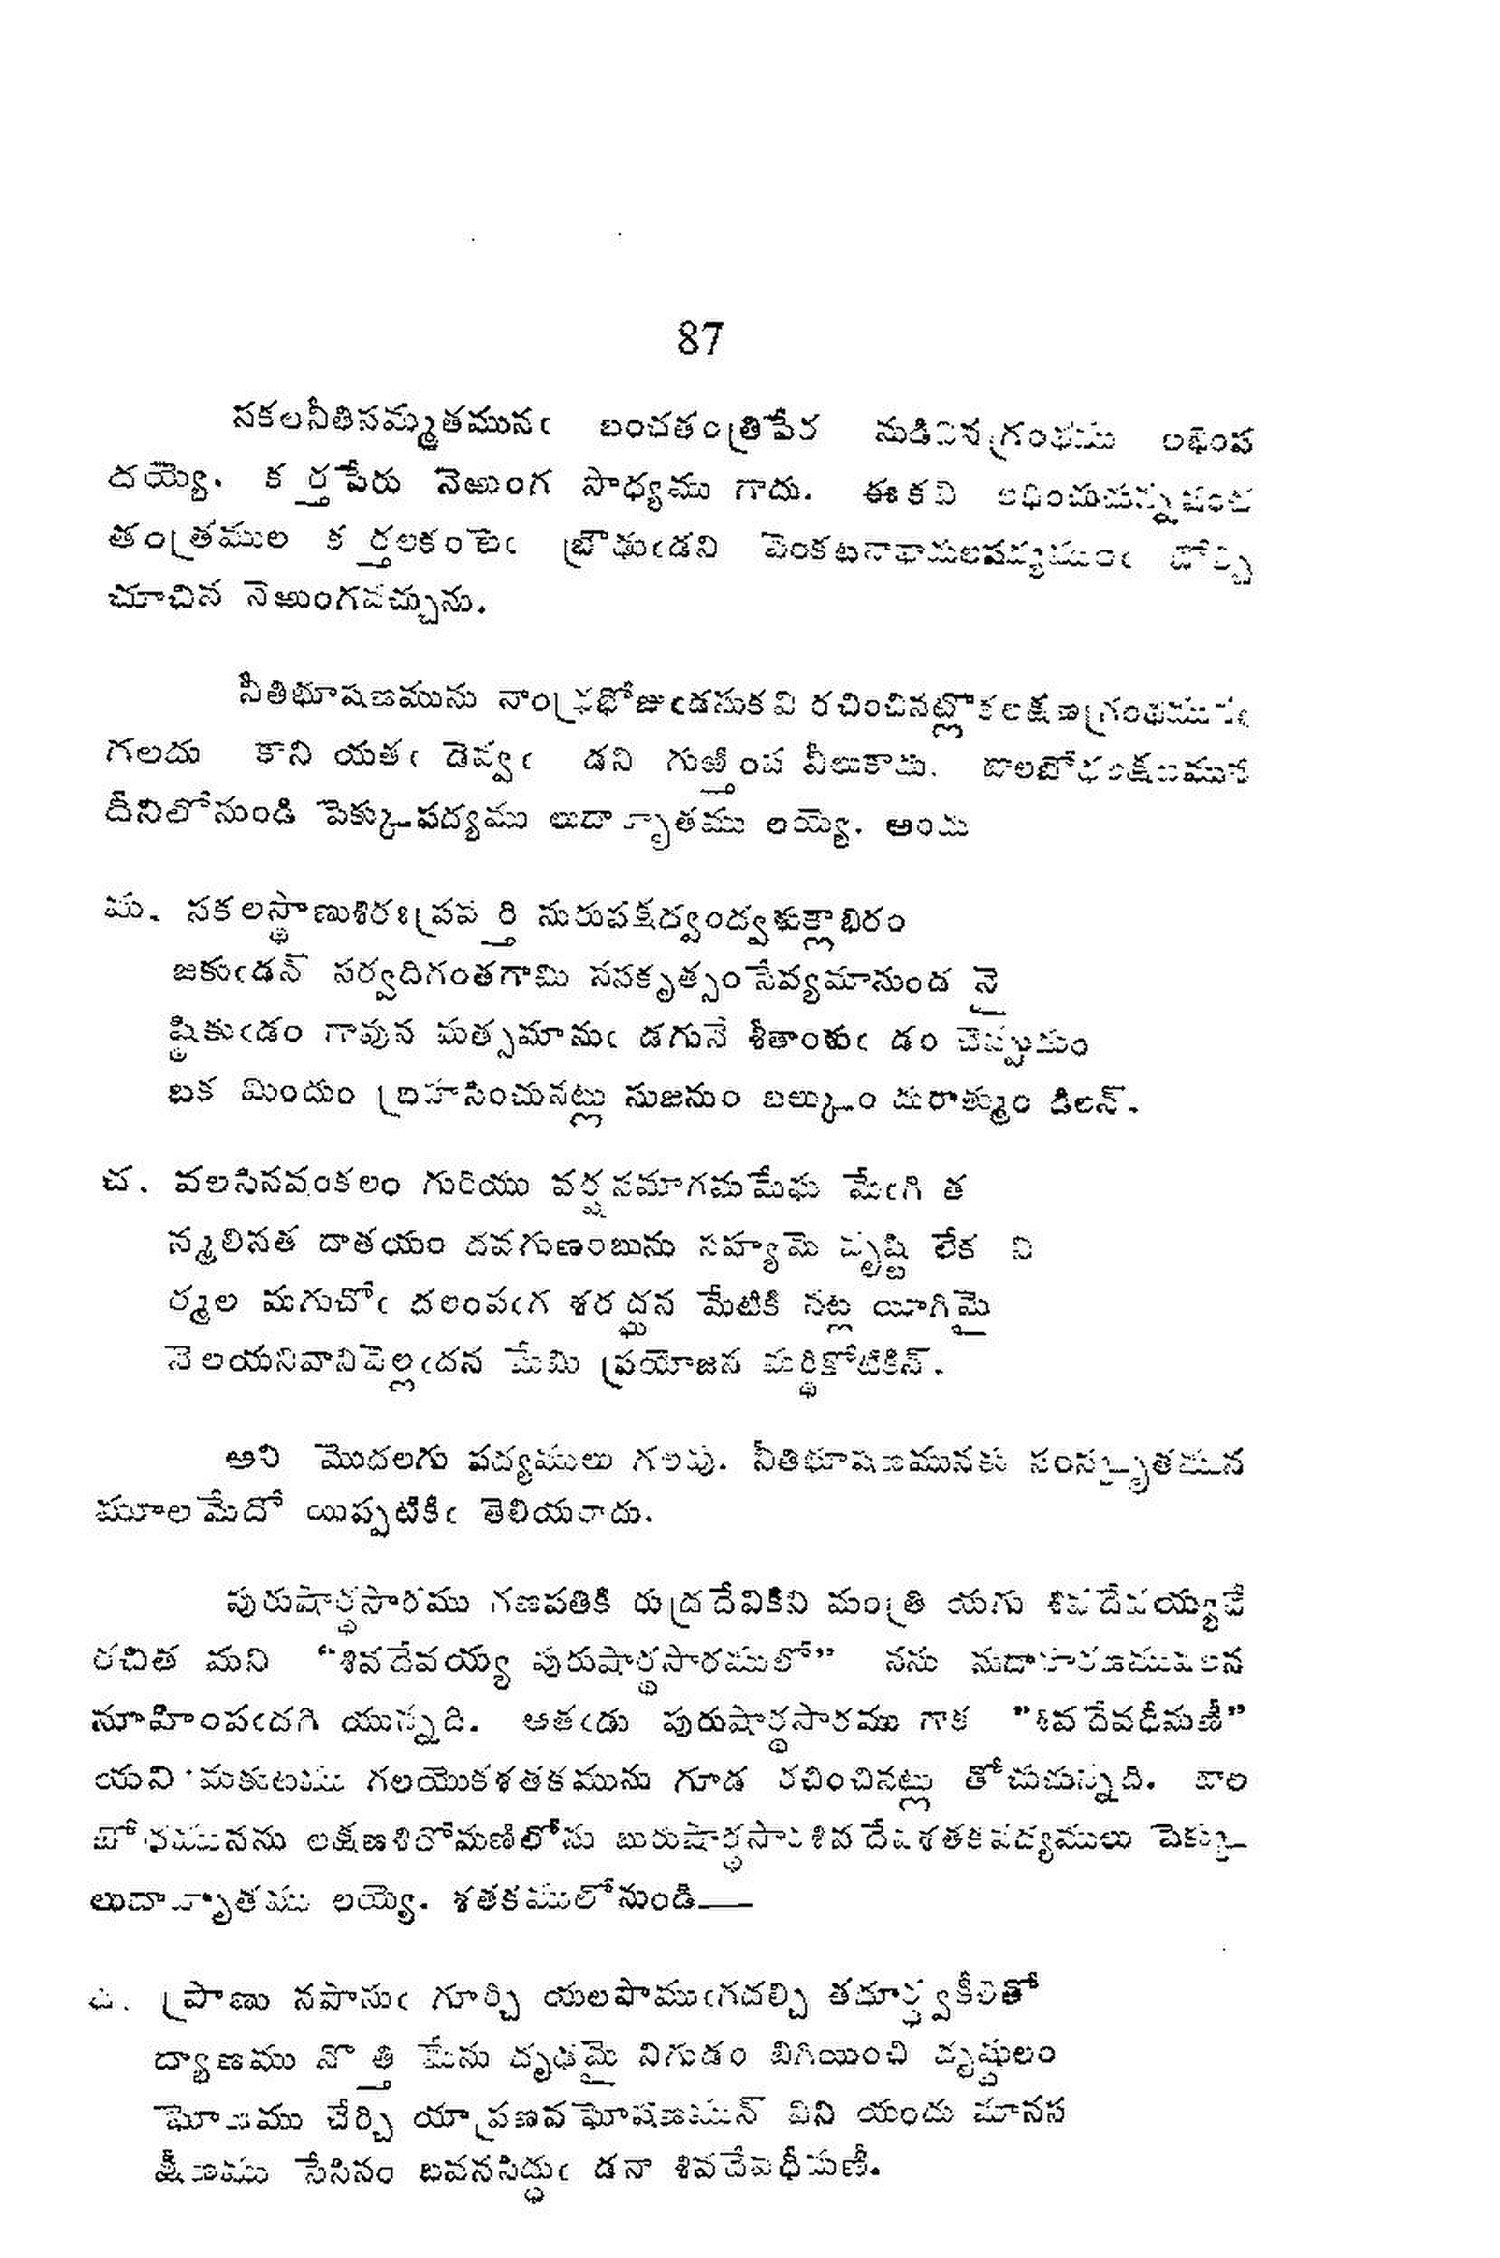సకలనీతిసమ్మతమునఁ బంచతంత్రిపేర నుడివిన గ్రంథము లభింపదయ్యె. కర్తపేరు నెఱుంగ సాధ్యము గాదు. ఈ కవి లభించుచున్నపంచతంత్రములకర్తలకంటెఁ బ్రౌఢుఁడని వెంకటనాథాదులపద్యముల బోల్చి చూచిన నెఱుంగవచ్చును.

నీతిభూషణమును నాంధ్రభోజుఁ డనుకవి రచించిన ట్లొకలక్షణగ్రంథమునఁ గలదు కాని యతఁ డెవ్వఁ డని గుర్తింప వీలుకాదు. బాలబోధలక్షణమున దీనిలోనుండి పెక్కుపద్యము లుదాహృతము లయ్యె. అందు.
 

అని మొదలగు పద్యములు గలవు. నీతిభూషణమునకు సంసృతమున మూల మేదో యిప్పటికి తెలియరాదు.

పురుషార్థసారము గణపతికి రుద్రదేవికిని మంత్రి యగు శివదేవయ్యచే రచిత మని “శివదేవయ్య పురుషార్థసారములో” నము నుదాహరణమువలన నూహింపఁదగియున్నది. అతఁడు పురుషార్థసారము గాక "శివదేవధీమణీ” యని మకుటము గలయొకశతకమును గూడ రచించినట్లు తోచుచున్నది. బాలబోధమునను లక్షణశిరోమణిలోను బురుషార్ధసారశివదేవశతకపద్యములు పెక్కు లుదాహృతము లయ్యె. శతకములో నుండి—